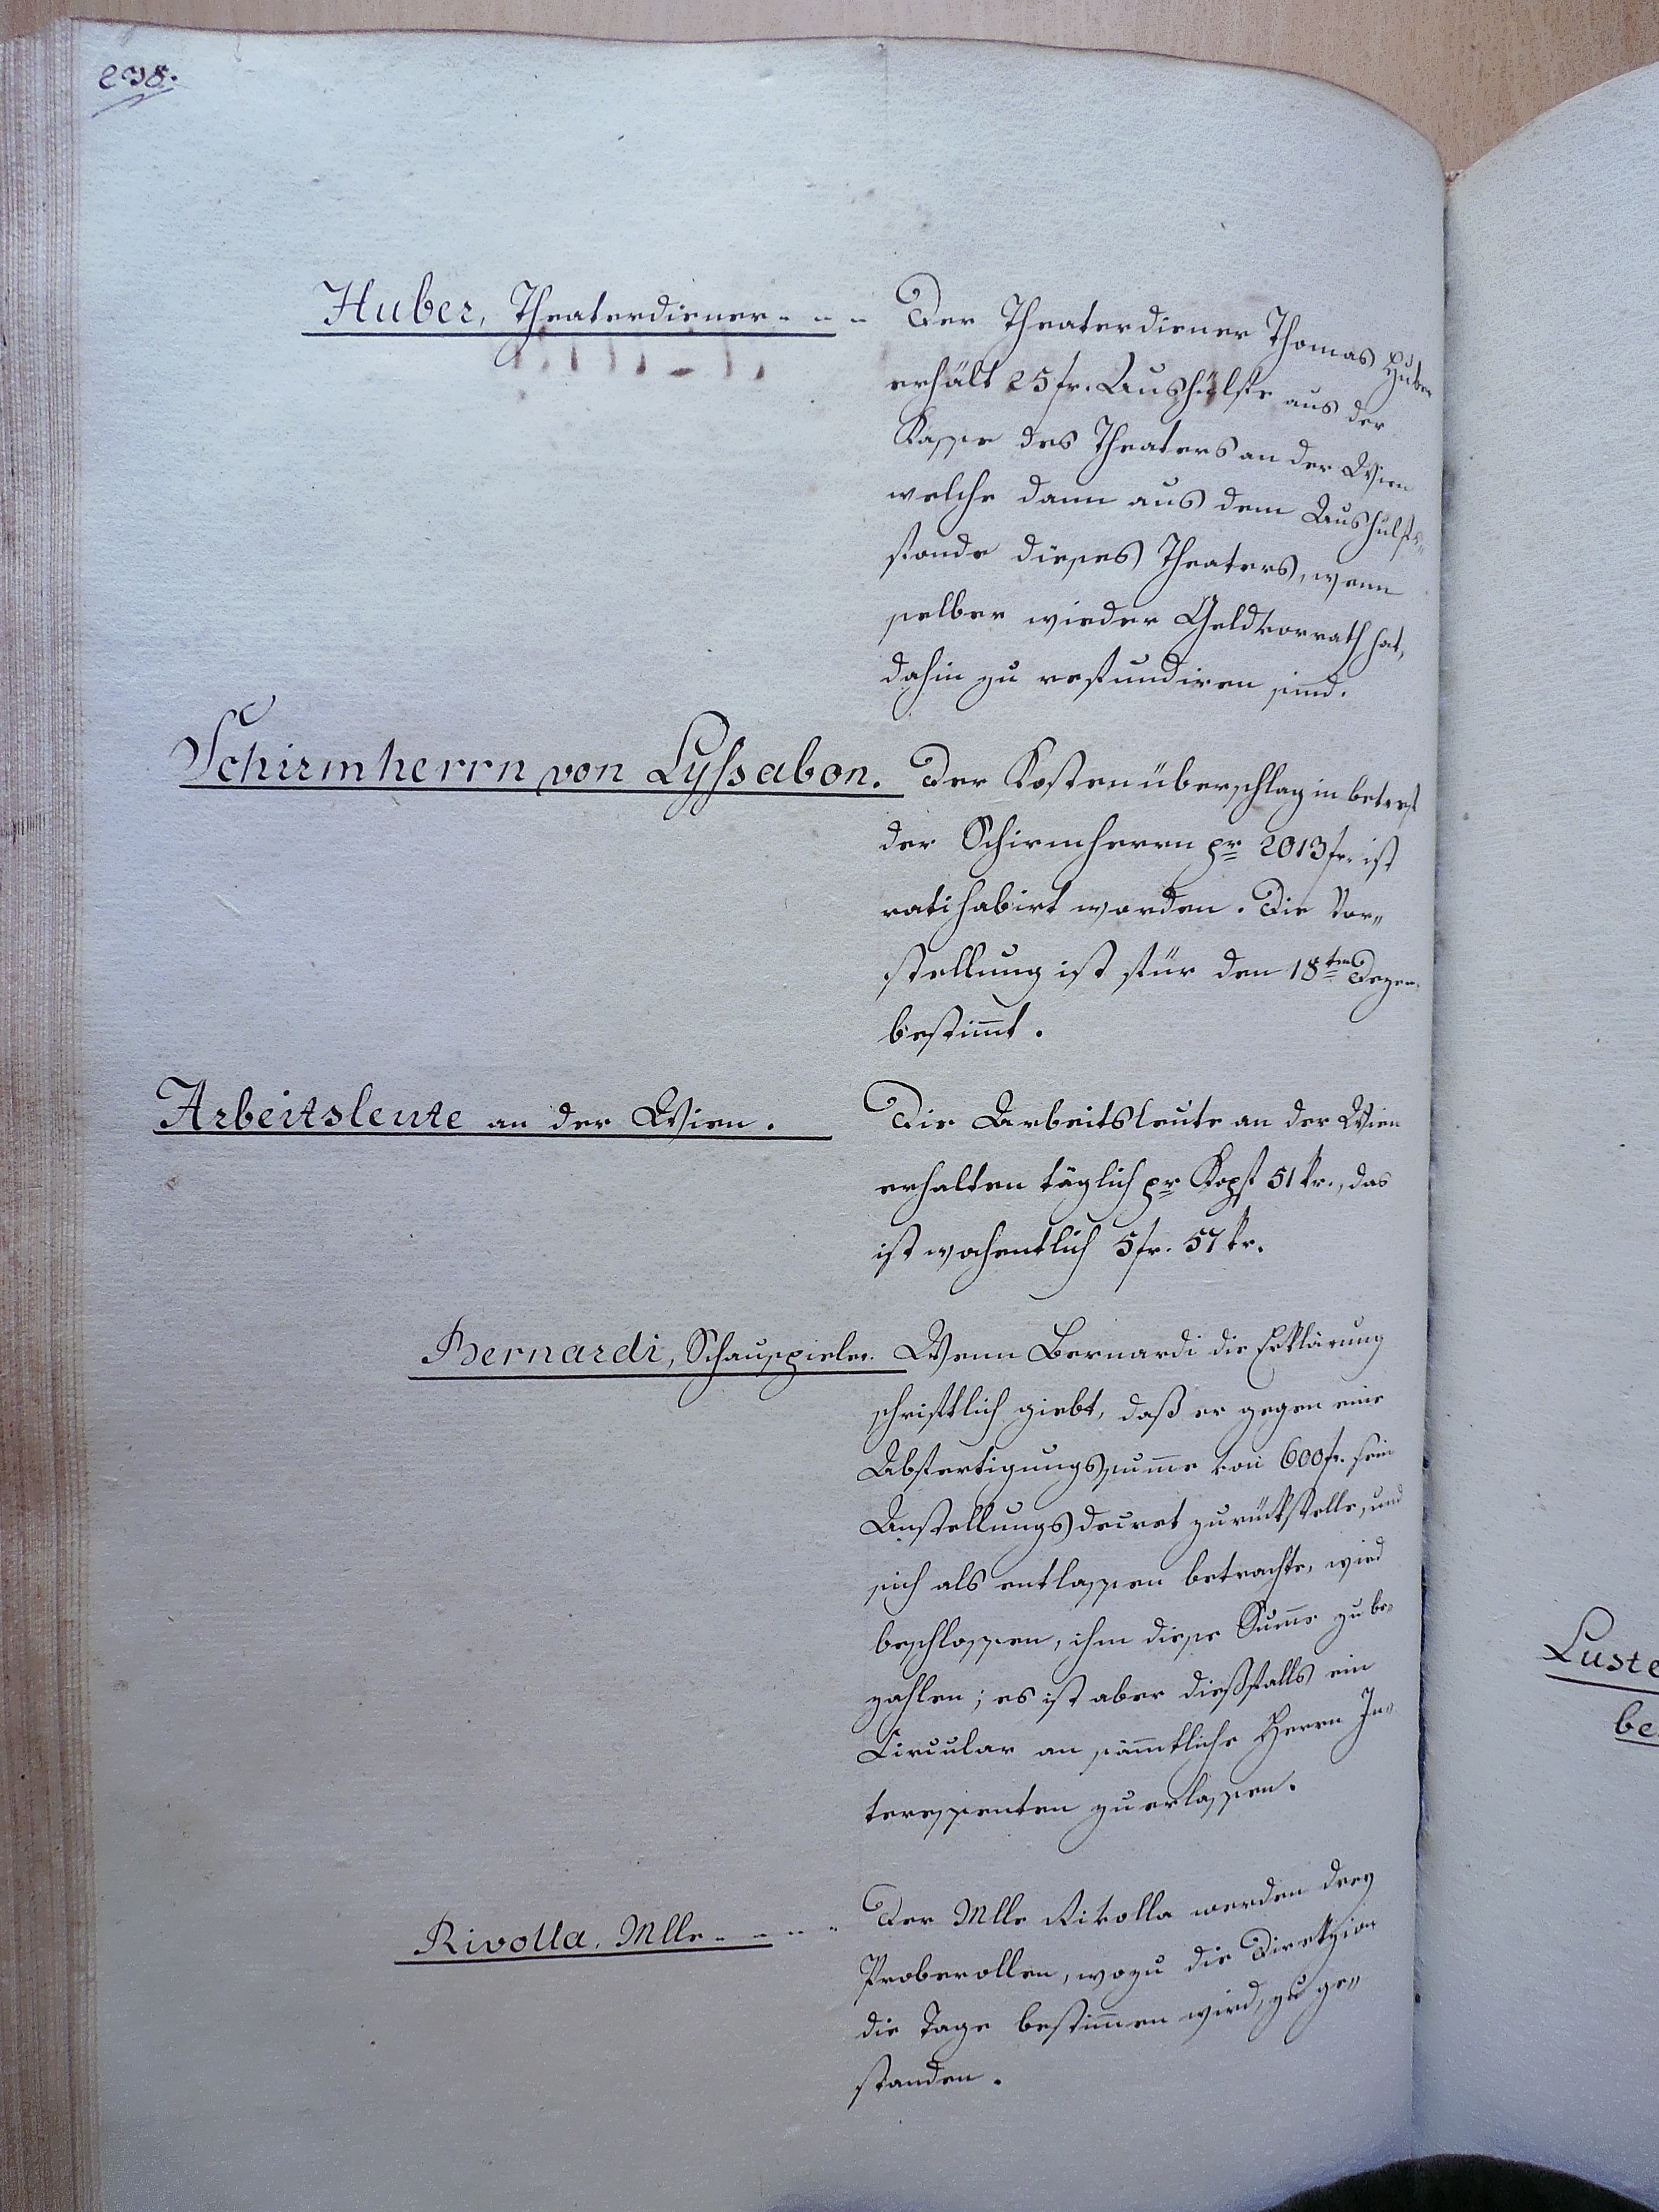238.
Huber, Theaterdiener .. .. .. Der Theaterdiener Thomas Huber
erhält 25fr. Aushülfe aus der
Kasse des Theaters an der Wien
welche dann aus dem Aushülfs¬
fonde dieses Theaters, wenn
selber wieder Geldvorrath hat,
dahin zu refundiren sind.
Schirmherrn von Lyssabon. Der Kostenüberschlag in betref
der Schirmherrn pr͇ 2013fr. ist
ratihabirt worden. Die Vor¬
stellung ist für den 18te͇n Dezem.
bestim̅t.
Arbeitsleute an der Wien. Die Arbeitsleute an der Wien
erhalten täglich pr͇ Kopf 51kr., das
ist wochentlich 5fr. 57kr.
Bernardi, Schauspieler. Wenn Bernardi die Erklärung
schriftlich giebt, daß er gegen eine
Abfertigungssum̅e von 600fr. sein
Anstellungsdecret zurückstelle, und
sich als entlassen betrachte, wird
beschlossen, ihm diese Sum̅e zu be¬
zahlen; es ist aber dießfalls ein
Circular an säm̅tliche Herrn In
teressenten zuerlassen.
Rivolla, Mlle .. .. .. .. Der Mlle Rivolla werden drey
Proberollen, wozu die Direkzion
die Tage bestim̅en wird, zu ge¬
standen.